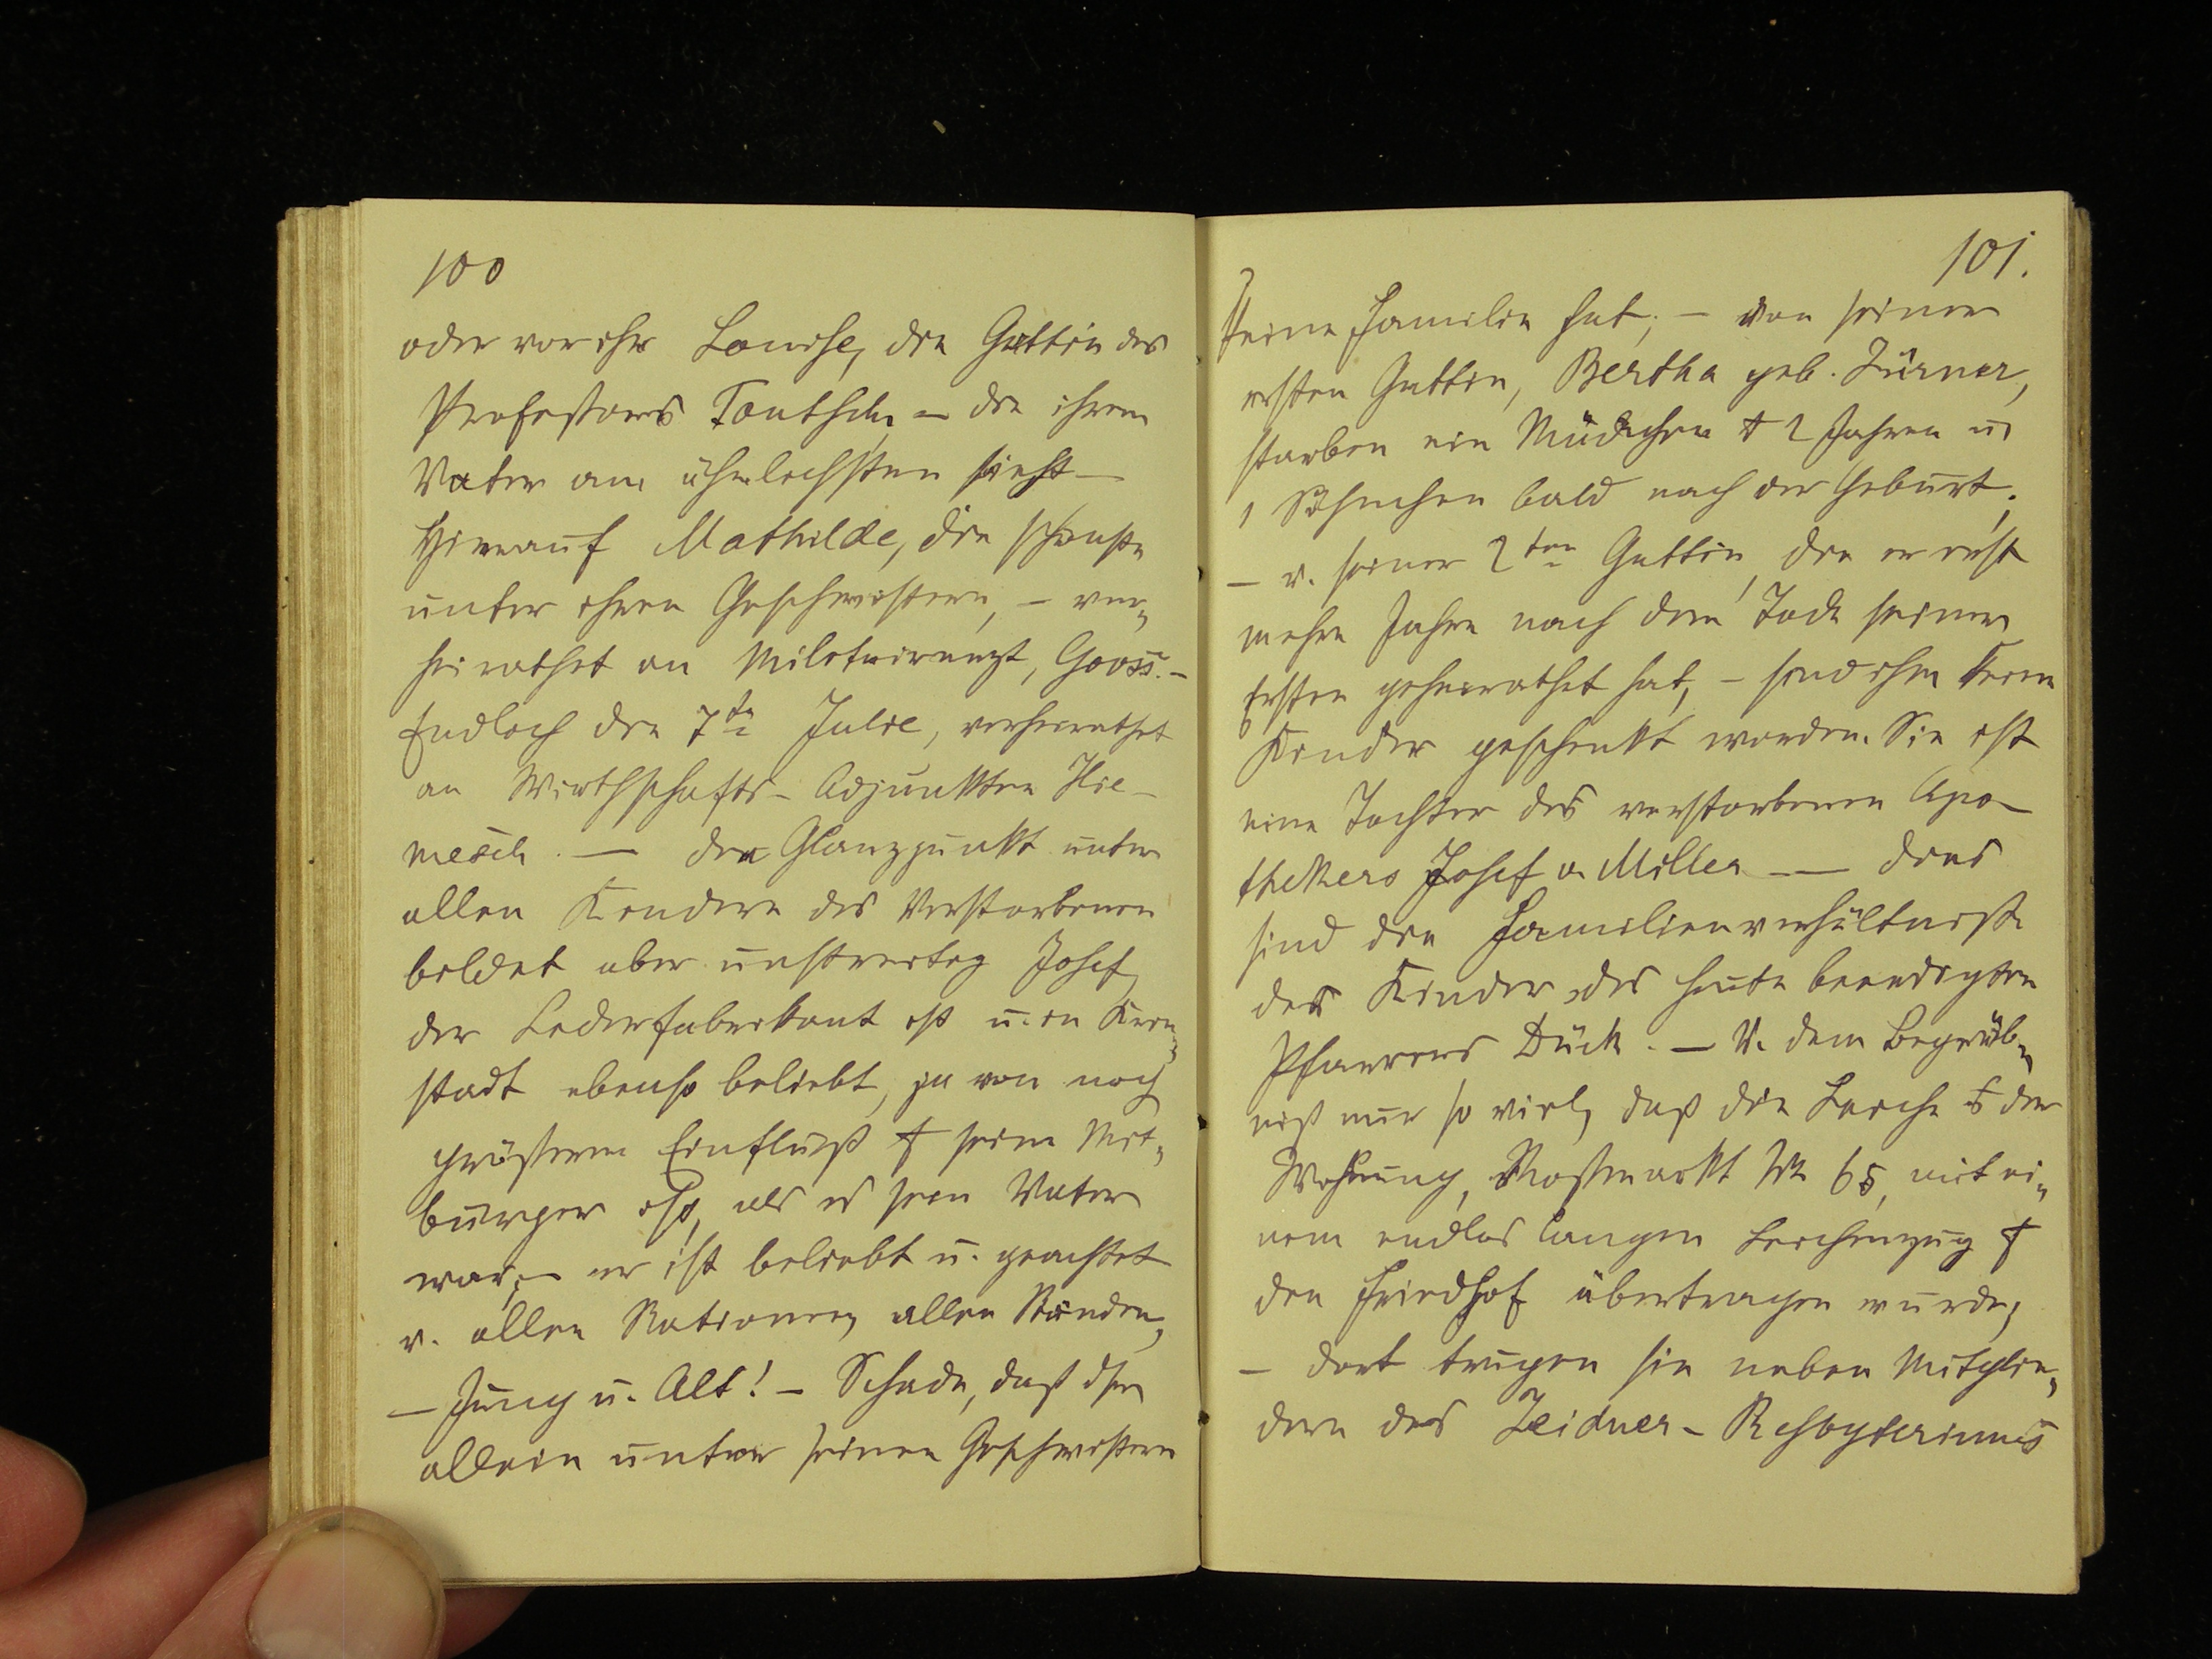100
oder vor ihr Louise, die Gattin des
Professors Tontsch- der ihrem
Vater am ähnlichsten sieht.
Hierauf Mathilde, die schönste
unter ihren Geschwistern, ver¬
heiratet an Militärarzt Gooss,-
Endlich die 7-te Julie, verheiratete
an Wirtschafts-Adjunkten Hie¬
mesch.- Der Glanzpunkt unter
allen Kindern des Verstorbenen
bildet aber unstreitig Josef
der Lederfabrikant ist und in Kron¬
stadt ebenso beliebt ja von noch
größerem Einfluss auf seine Mit¬
bürger ist, als es sein Vater
war, er ist beliebt und geachtet
von allen Nationen allen Ständen,
- Jung und Alt,- Schade, daß dieser
allein unter seinen Geschwistern
101
keine Familie hat;- Von seiner
ersten Gattin, Bertha geb. Zirner
starben ein Mädchen mit 2 Jahren und
ein Söhnchen bald nach seiner Geburt.,
-von seiner 2-ten Gattin die er erst
mehrere Jahre nach dem Tod seiner
Ersten geheiratet hat,- sind ihm keine
Kinder geschenkt worden. Sie ist
eine Tochter des verstorbenen Apo¬
thekers Josef von Miller,- Dies
sind die Familienverhältnisse
der Kinder des heute beerdigten
Pfarrers Dück.- Von dem Begräb¬
nis nur so viel, daß der Sarg aus der
Wohnung, Roßmarkt 65 mit ei¬
nem endlos langen Leichenzug auf
den Friedhof übertragen wurde,
-dort trugen sie neben Mitglie¬
dern des Zeidner- Presbyteriums